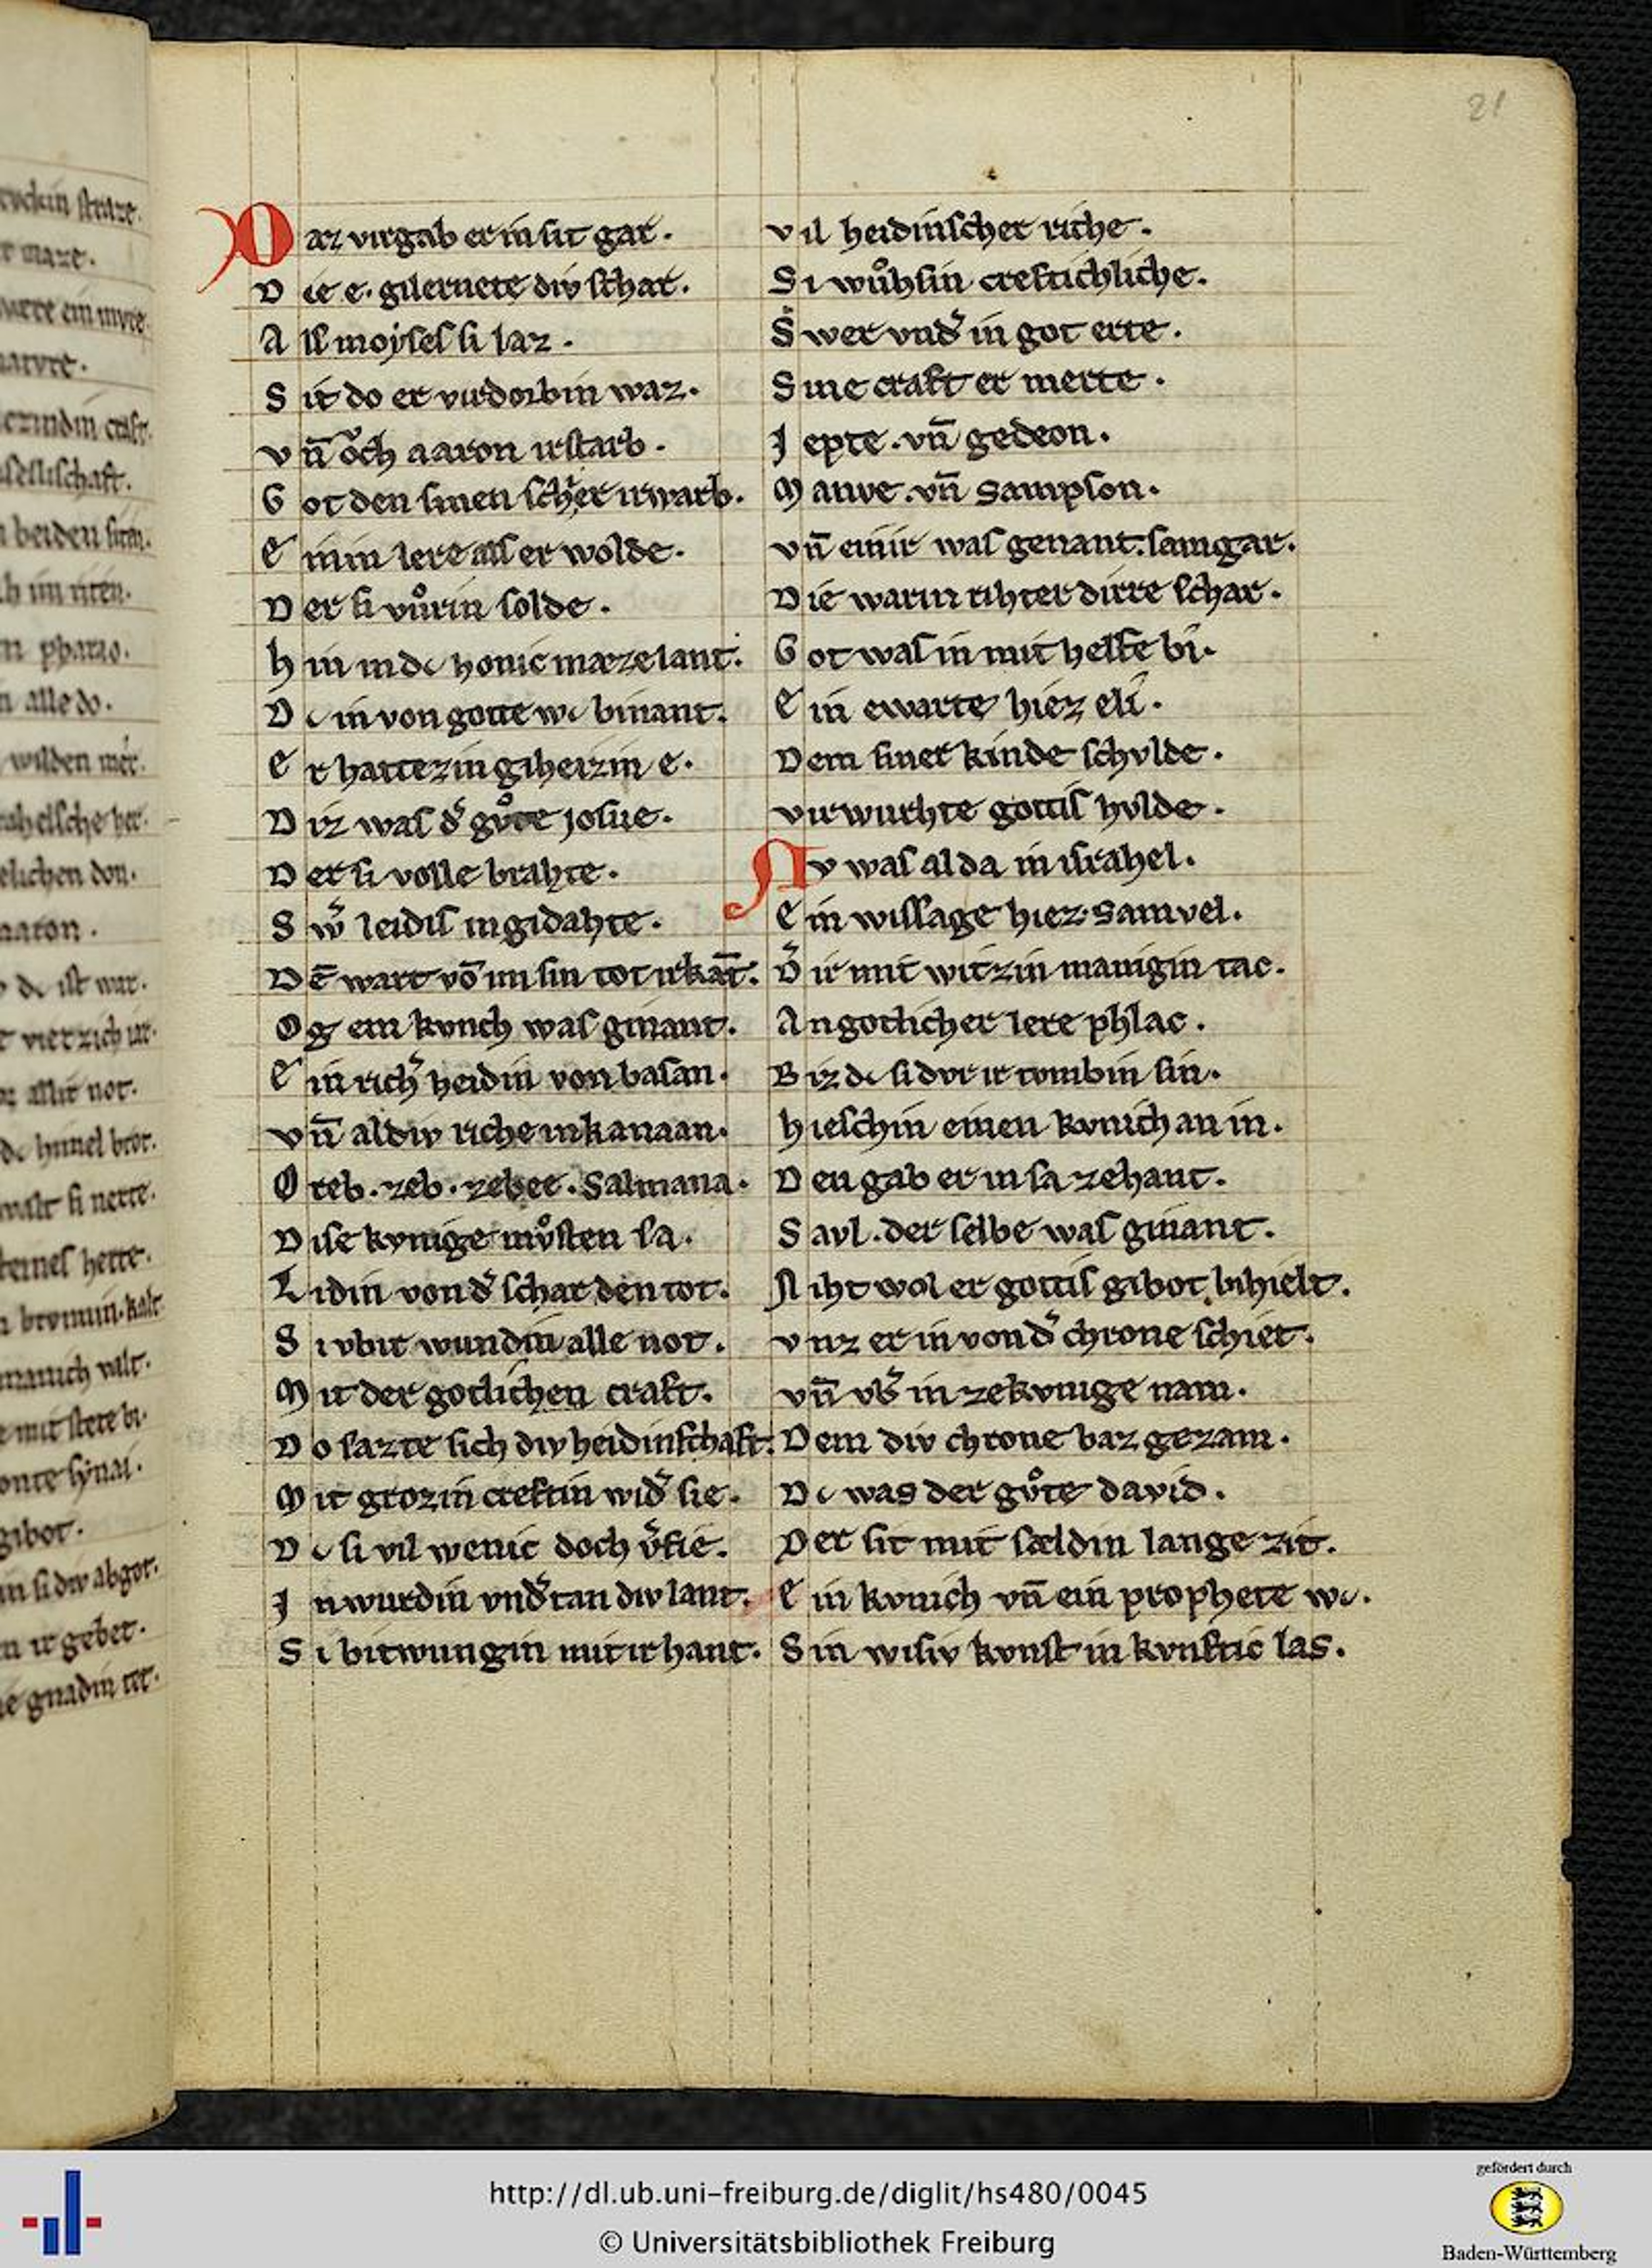Daz virgab er in ſit gar.
Die e. gilernete div ſchar.
Alſ moyſeſ ſi laz.
Sit do er virdorbin waz.
Vn(d) o°vch aaron irſtarb.
Got den ſinen ſch°(i)er irwarb.
Einin lere alſ er wolde.
Der ſi vu°orin ſolde.
Hin in d(az) honic m[ae]ze lant.
D(az) in von gotte w(az) binant.
Er hattez in giheizin e.
Diz waſ d(er) gv°ote joſue.
Der ſi volle brahte.
Sw(er) leidiſ in gidahte.
De(m) wart vo(n) im ſin tot irka(n)t.
Og ein kvnch waſ ginant.
Ein rich(er) heidin von baſan.
Vn(d) aldiv riche inkanaan.
Oreb. zeb. zebee. salmana.
Diſe kvnige mv°oſten ſa.
Lidin von d(er) ſchar den tot.
Si vbir wundin alle not.
Mit der gotlichen craft.
Do ſazte ſich div heidinſchaft.
Mit grozin creftin wid(er) ſie.
D(az) ſi vil wenic doch v(er)fie.
Inwurdin vnd(er)tan div lant.
Si bitwungin mit ir hant.
Vil heidinſcher riche.
Si wu°ohſin creftichliche.
Swer vnd(er) in got erte.
Sine craft er merte.
Jepte. vn(d) gedeon.
Manue. vn(d) sampſon.
Vn(d) einir waſ genant. ſamgar.
Die warin rihter dirre ſchar.
Got waſ in mit helfe bi.
Ein ewarte hiez eli.
Dem ſiner kinde ſchvlde.
Virwurhte gottiſ hvlde.
*Nv waſ alda in iſrahel.
Ein wiſſage hiez samvel.
D(er) ir mit witzin manigin tac.
An gotlicher lere phlac.
Biz d(az) ſi dvr ir tvmbin ſin.
Hieſchin einen kvnich an in.
Den gab er in ſa zehant.
Savl. der ſelbe waſ ginant.
Niht wol er gottiſ gibot bihielt.
Vnz er in von d(er) chrone ſchiet.
Vn(d) vb(er) in zekvnige nam.
Dem div chrone baz gezam.
D(az) was der gv°ote david.
Der ſit mit ſ[ae]ldin lange zit.
Ein kvnich vn(d) ein prophete w(az).
Sin wiſiv kvnſt in kvnftic las.